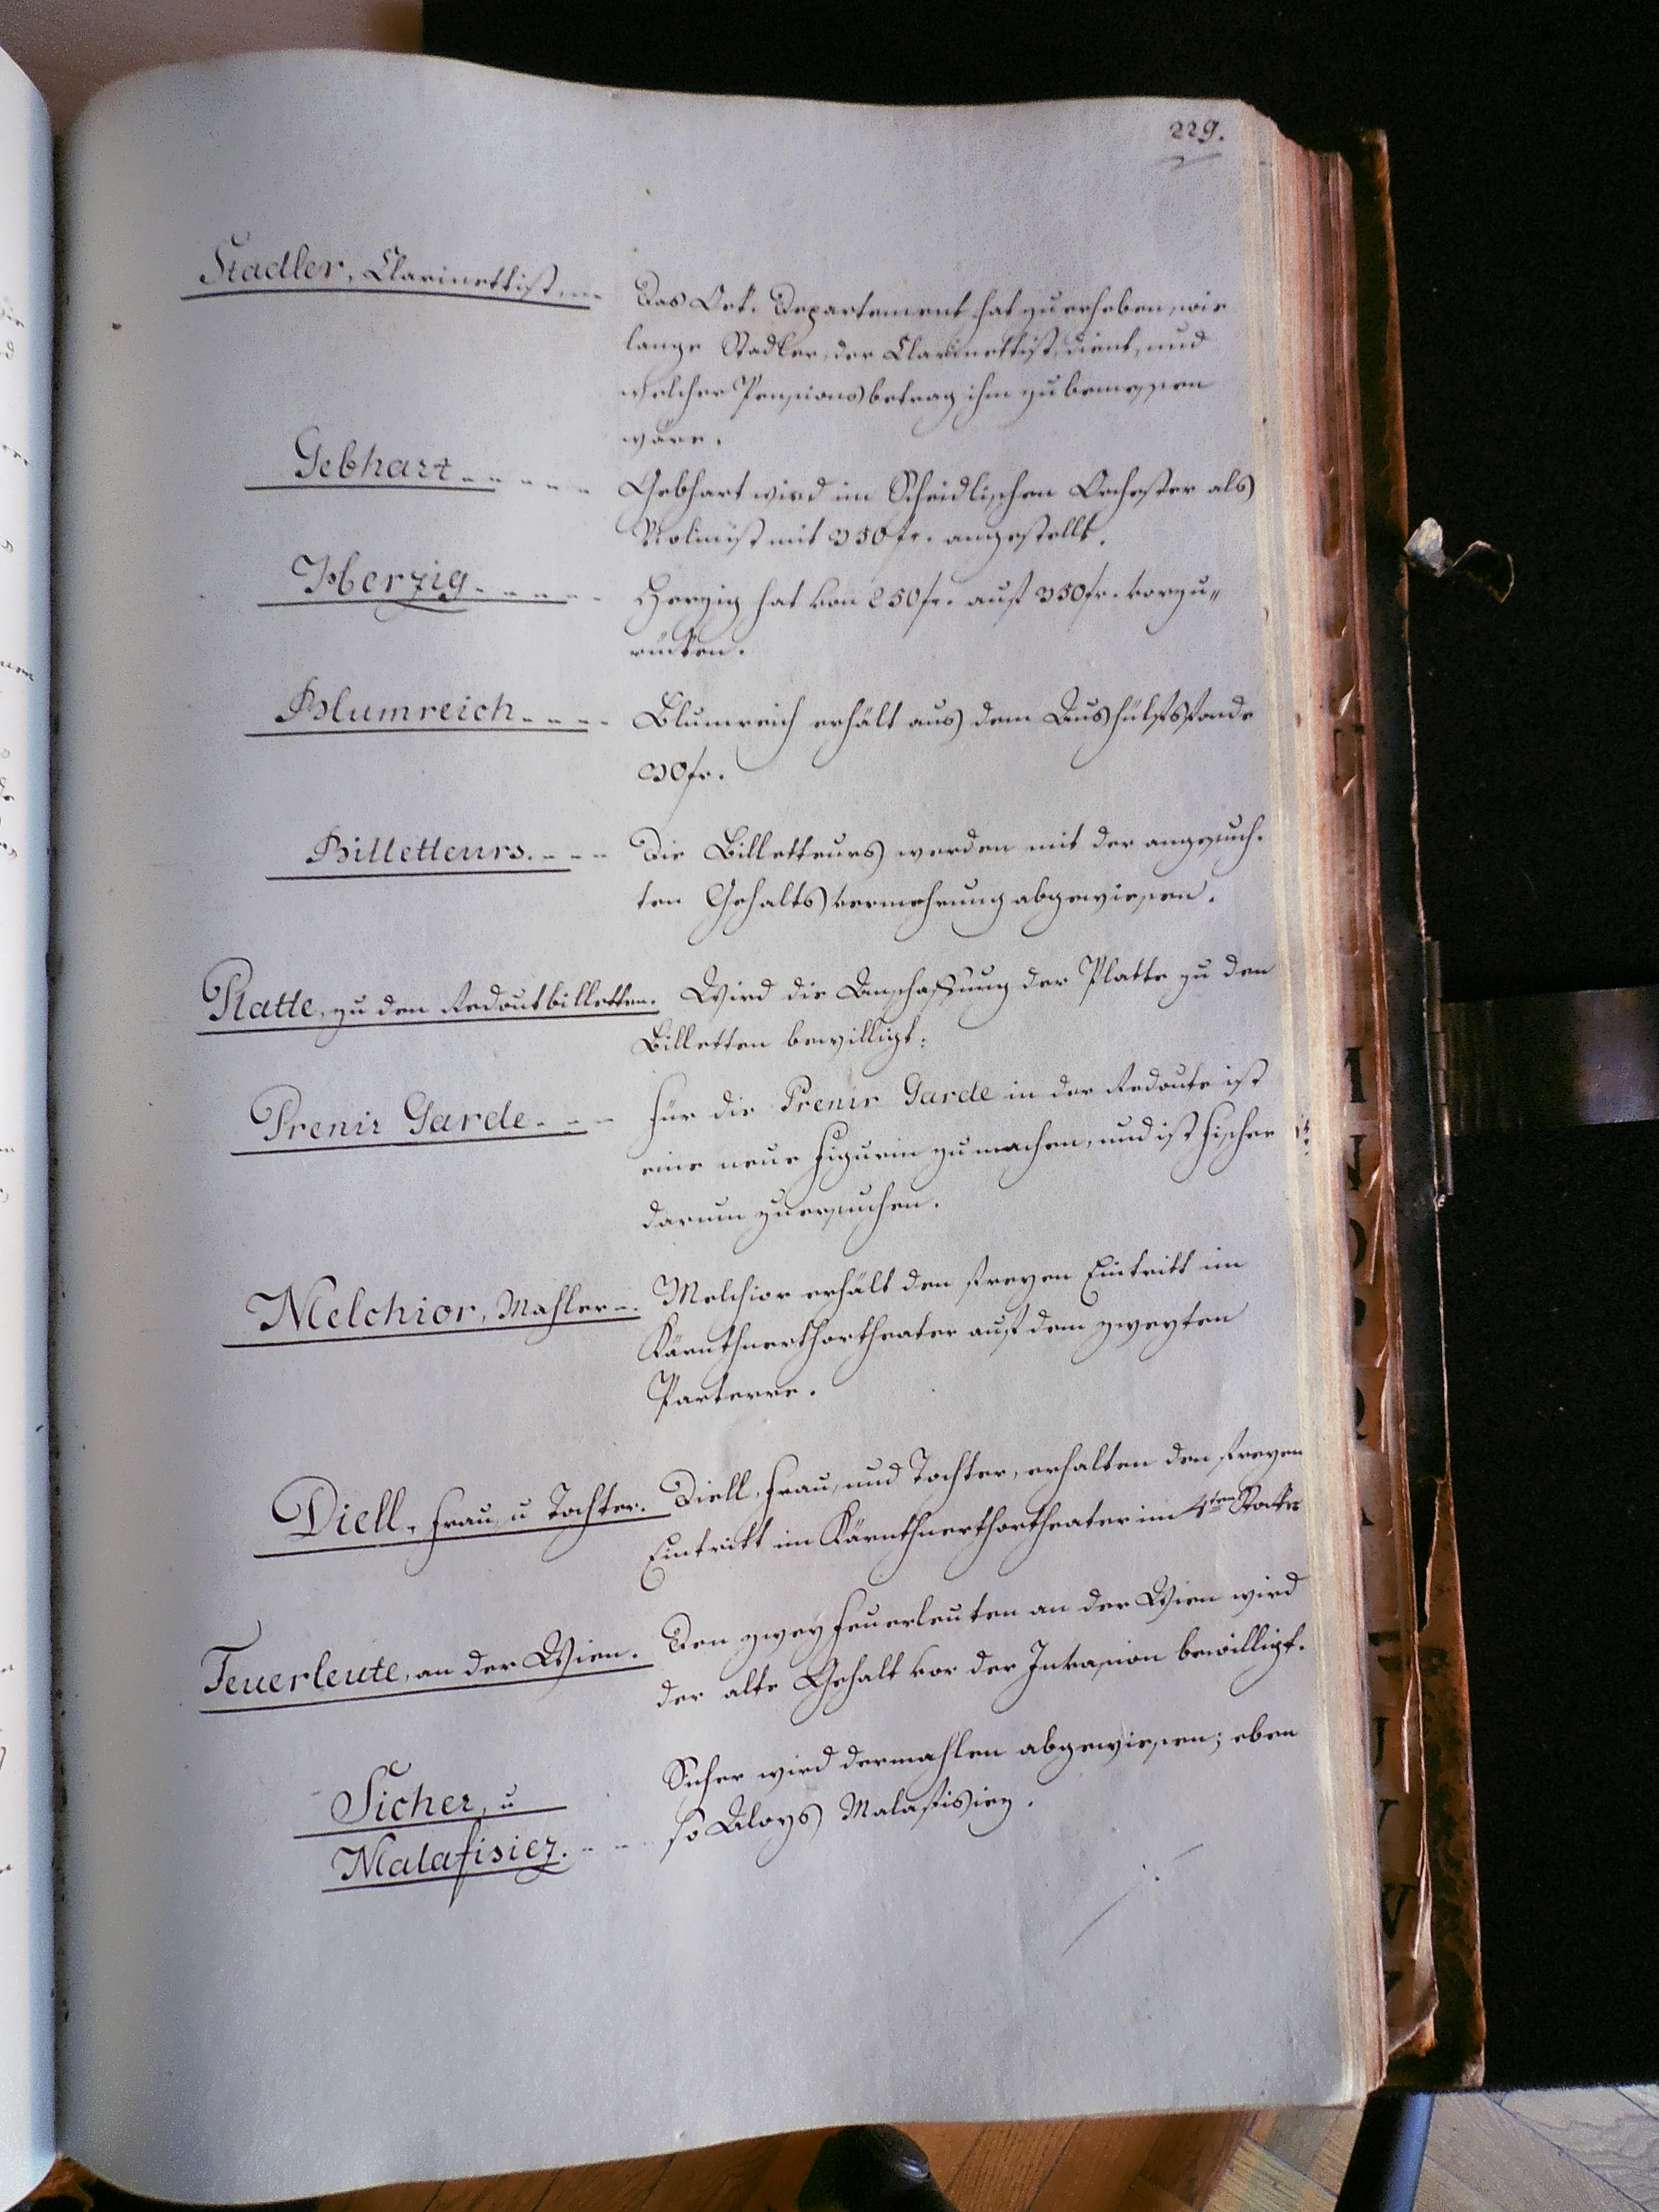229.
Stadler, Clarinettist . . . . Das Oek. Departement hat zuerheben, wie
lange Stadler der Clarinettist dient, und
welcher Pensionsbetrag ihm zubemessen
wäre.
Gebhart .. .. .. .. .. Gebhart wird im Scheidlschen Orchester als
Violonist mit 350fr. angestellt.
Herzig .. .. .. .. .. Herzig hat von 250fr. auf 350fr. vorzu¬
rücken.
Blumreich .. .. .. .. Blumreich erhält aus dem Aushülfsfonde
30fr.
Billetteurs. .. .. .. Die Billetteurs werden mit der angesuch¬
ten Gehaltsvermehrung abgewiesen.
Platte, zu den Redoutbilletten. Wird die Anschaffung der Platte zu den
Billetten bewilligt.
Prenir Garde. .. .. Für die Prenir Garde in der Redoute ist
eine neue Figurin zu machen und ist Fischer
darum zu ersuchen.
Melchior, Mahler .. Melchior erhält den freyen Eintritt im
Kärnthnerthortheater auf dem zweyten
Parterre.
Diell, Frau u Tochter: Diell Frau und Tochter, erhalten den freyen
Eintritt im Kärnthnerthortheater im 4te͇n Stocke.
Feuerleute, an der Wien. Den zwey Feuerleuten an der Wien wird
der alte Gehalt vor der Invasion bewilligt.
Sicher, u
Malafisiez.
Sicher wird dermahlen abgewiesen; eben
so Aloys, Malafisiez.